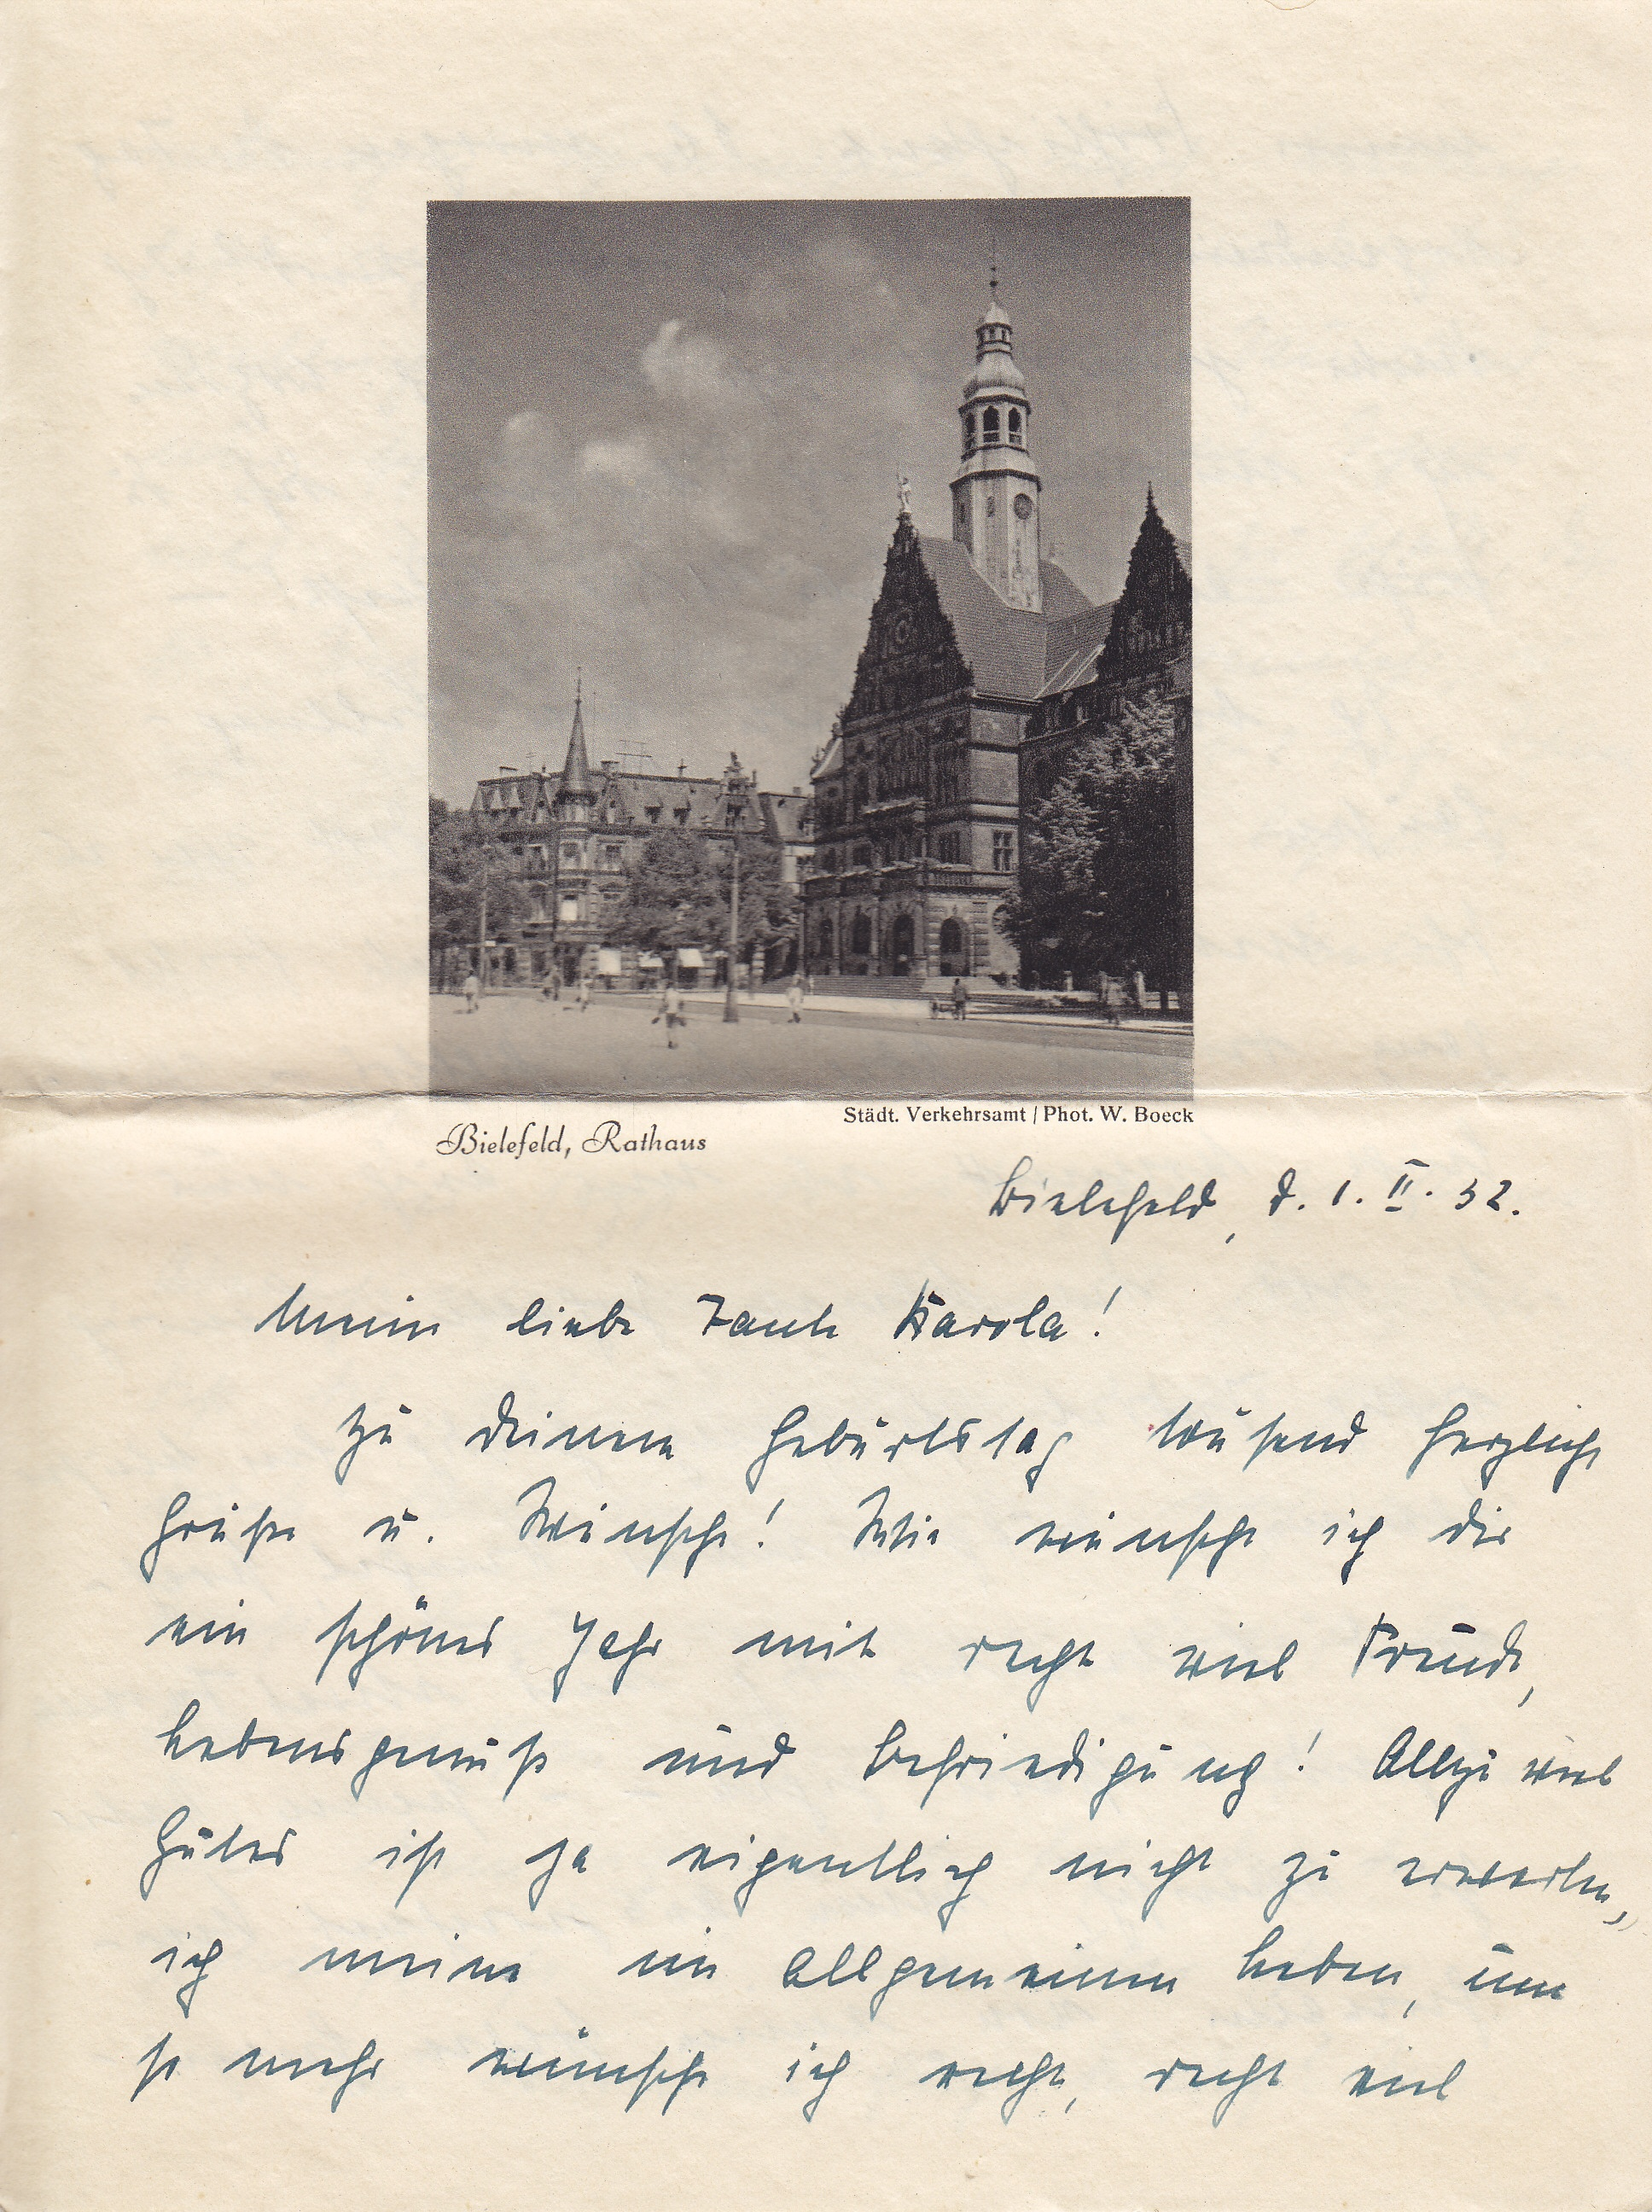Bielefeld, d 1. II. 32
Meine liebe Tante Karola!
zu deinem Geburtstag tausend herzliche
Grüße u. Wünsche! Wie wünsche ich Dir
ein schönes Jahr mit recht viel Freude,
Lebensgenuß und Befriedigung! Allzu viel
Gutes ist ja eigentlich nicht zu erwarten,
ich meine im allgemeinen Leben, um
so mehr wünsche ich recht, recht viel